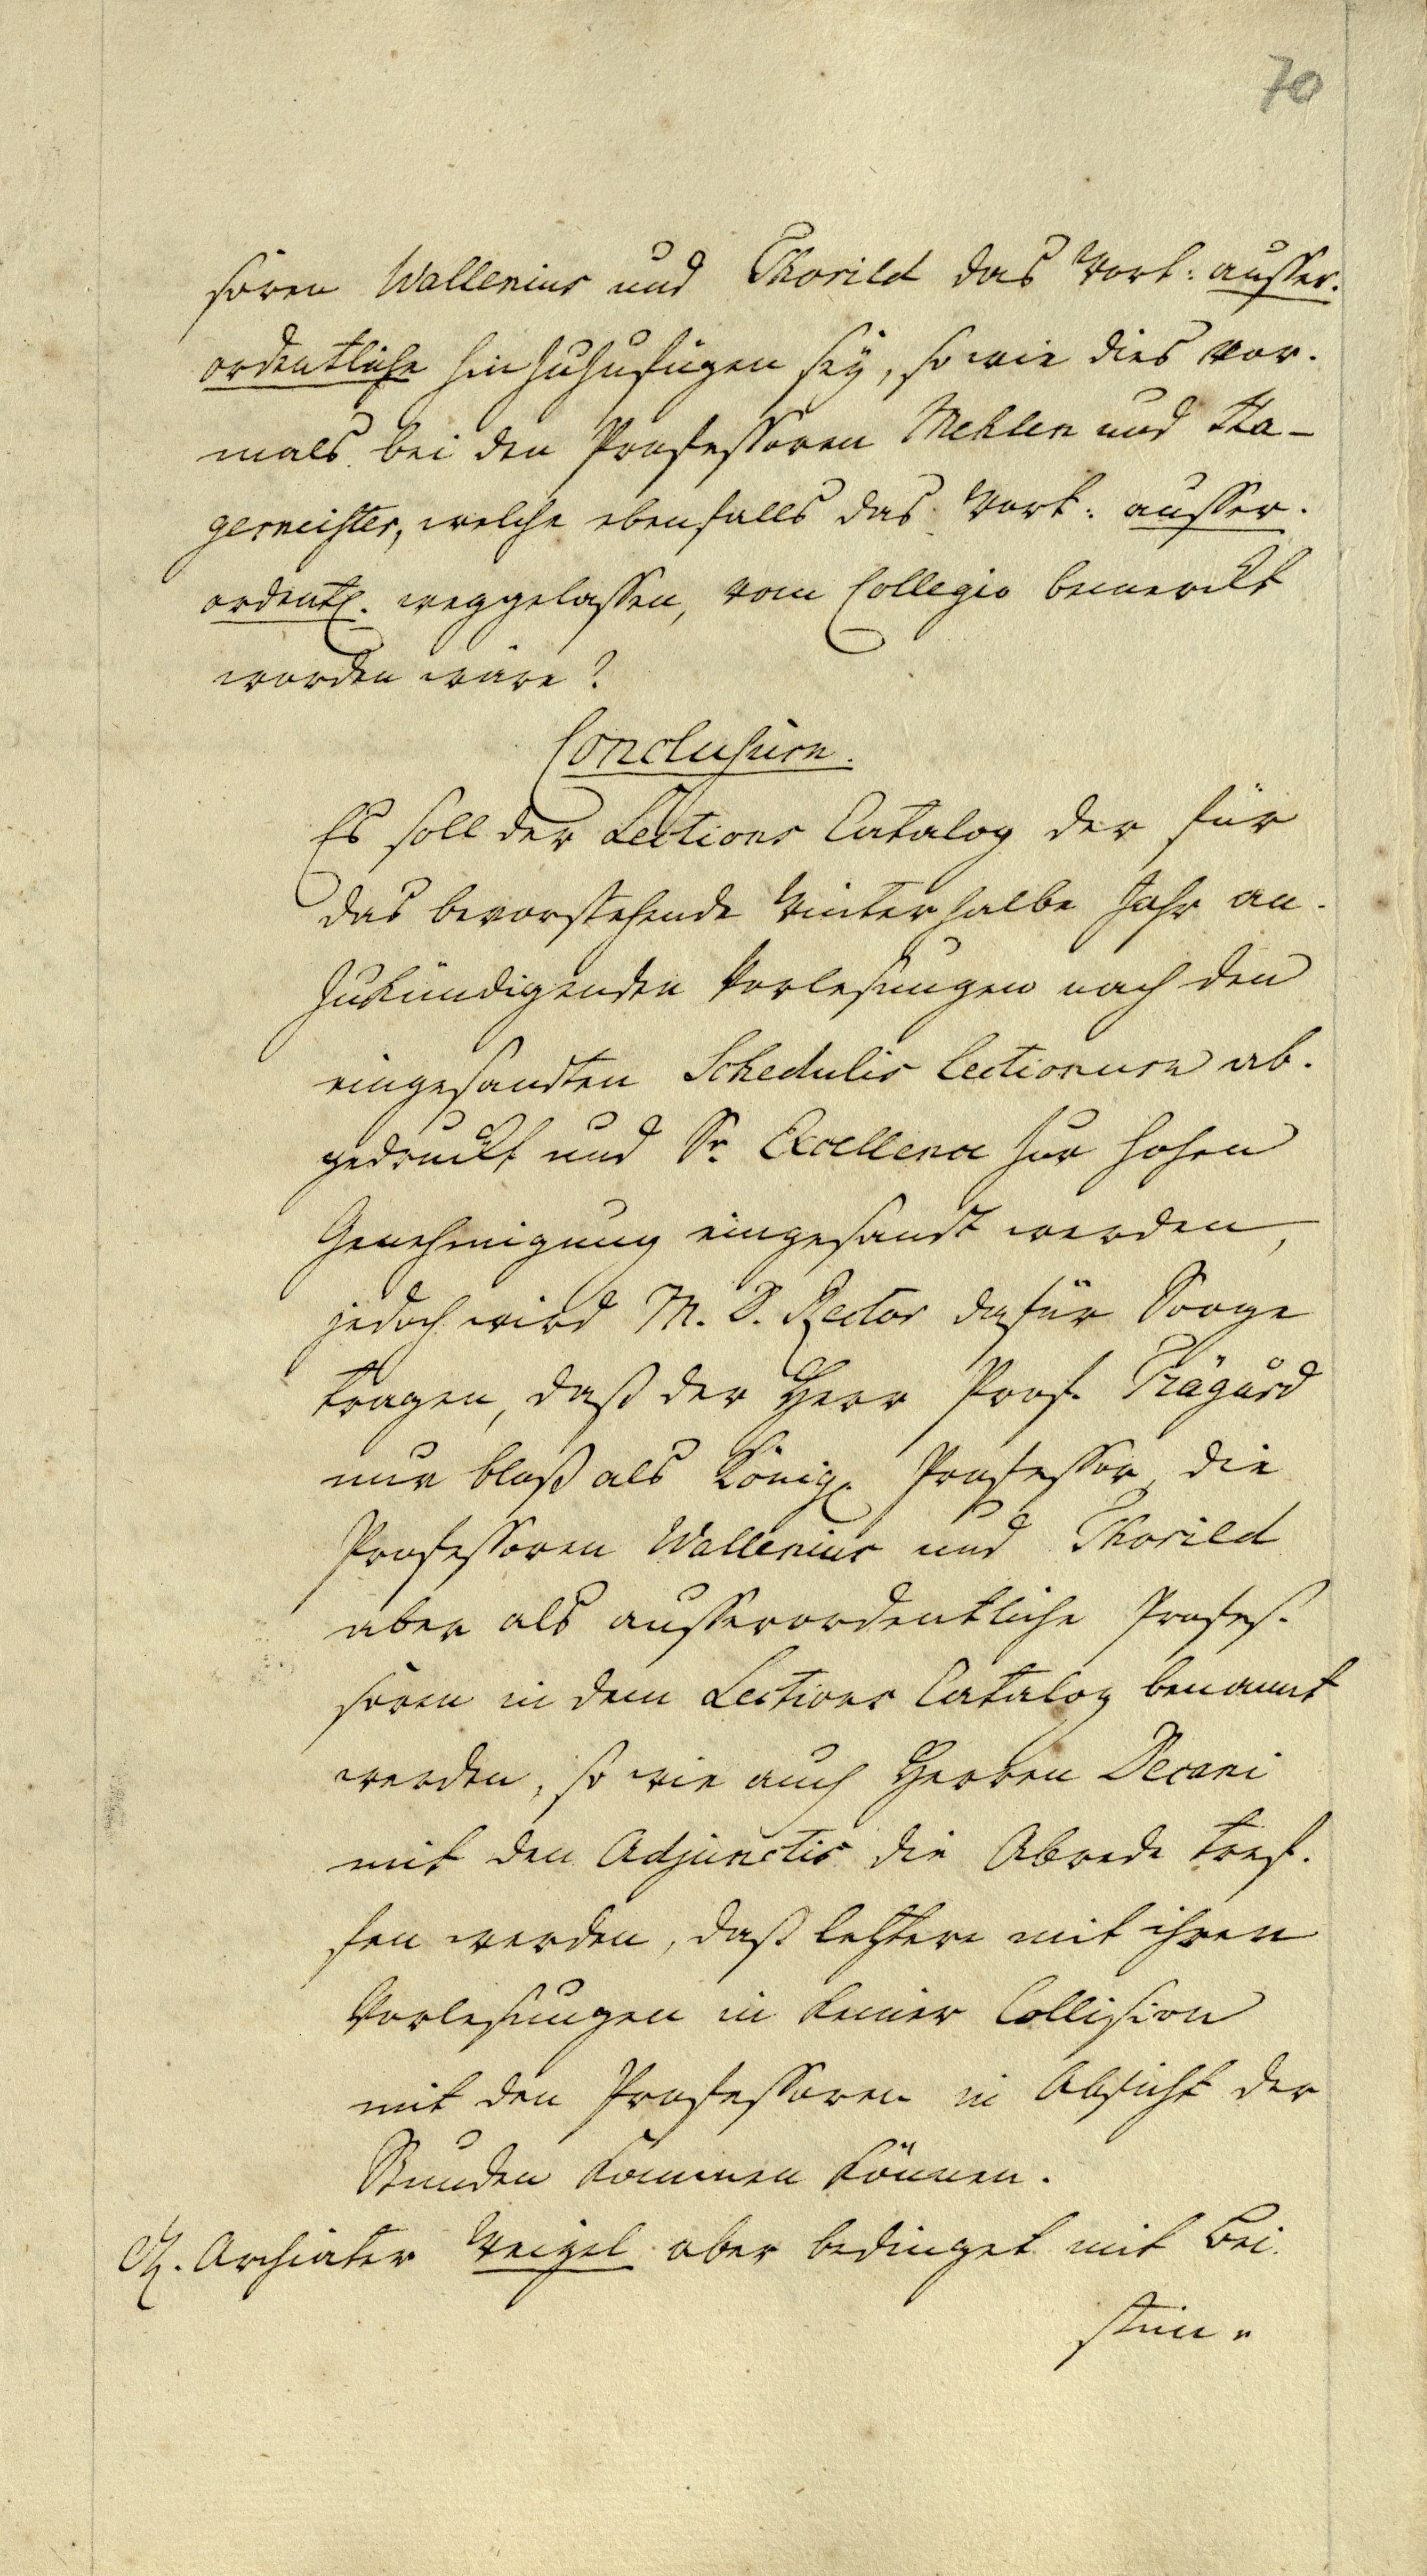soren Wallenius und Thorild das Wort, außer¬
ordentliche hinzuzufügen seÿ, so wie dies vor
mals bei den Professoren Mehlen und Ha¬
gemeister, welche ebenfalls das Wort: ausser¬
ordentl. weggelassen, vom Collegio bemerckt
worden wäre?
Conclusum.
Es soll der Lections Catalog der für
das bevorstehende Winterhalbe Jahr an¬
zukündigenden Vorlesungen nach den
eingesandten Schedulis lectionum ab¬
gedruckt und Sr Excellence zur hohen
Genehmigung eingesandt werden,
jedoch wird M. D. Rector dafür Sorge
tragen, daß der Herr Prof. Trägård
nun bloß als Königl. Professor, die
Professoren Wallenius und Thorild
aber als ausserordentliche Profes¬
soren in dem Lections Catalog benannt
werden, so wie auch Herren Decani
mit den Adjunctis die Abrede tref¬
fen werden, daß letztere mit ihren
Vorlesungen in keiner Collision
mit den Professoren in Absicht der
Stunden kommen können.
dh. Archiater Weigel aber bedinget mit Bei¬
stim¬